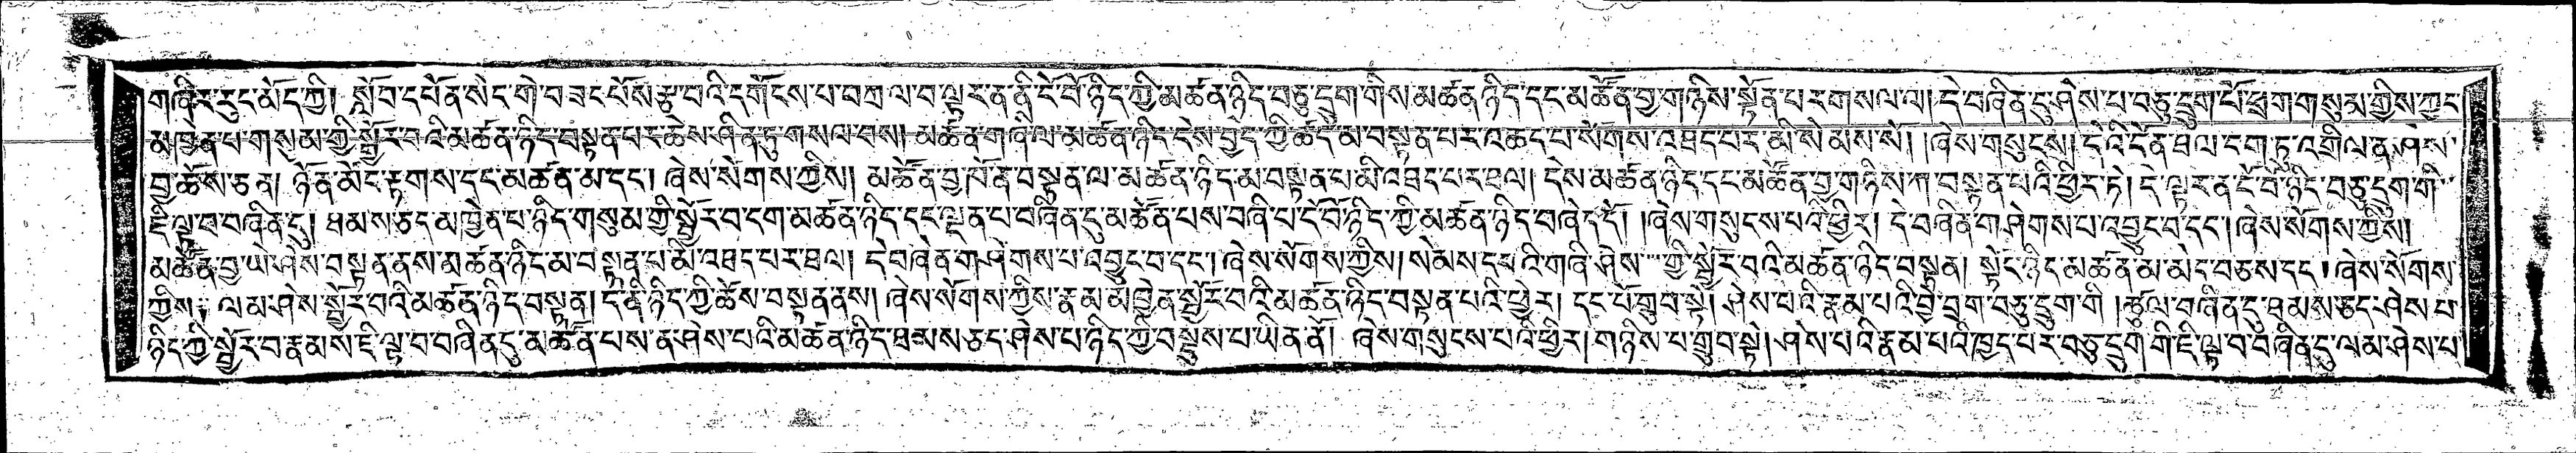གཞིར་རུང་མོད་ཀྱི། སློབ་དཔོན་སེང་གེ་བཟང་པོས་རྩ་བའི་དགོངས་པ་བཀྲལ་བ་ལྟར་ན་ནི་ངོ་བོ་ཉིད་ཀྱི་མཚན་ཉིད་བཅུ་དྲུག་གིས་མཚན་ཉིད་དང་མཚོན་བྱ་གཉིས་སྟོན་པར་གསལ་ལ། དེ་བཞིན་དུ་ཤེས་པ་བཅུ་དྲུག་པོ་ཕྲག་གསུམ་གྱིས་ཀྱང་
མཁྱེན་པ་གསུམ་གྱི་སྦྱོར་བའི་མཚན་ཉིད་བསྟན་པར་ཆེས་ཤིན་ཏུ་གསལ་བས། མཚན་གཞི་ལ་མཚན་ཉིད་དེས་བྱེད་ཀྱི་ཚད་མ་བསྟན་པར་འཆད་པ་སོགས་འཐད་པར་མི་སེམས་སོ། །ཞེས་གསུངས། དེའི་དོན་ཐལ་ངག་ཏུ་འགྲིལ་ན་ཤེས་
བྱ་ཆོས་ཅན། ཉོན་མོངས་རྟགས་དང་མཚན་མ་དང་། ཞེས་སོགས་ཀྱིས། མཚོན་བྱ་ཁོ་ན་བསྟན་ལ་མཚན་ཉིད་མ་བསྟན་པ་མི་འཐད་པར་ཐལ། དེས་མཚན་ཉིད་དང་མཚོན་བྱ་གཉིས་ཀ་བསྟན་པའི་ཕྱིར་ཏེ། དེ་ལྟར་ན་ངོ་བོ་ཉིད་བཅུ་དྲུག་གིས་
ཇི་ལྟ་བ་བཞིན་དུ། ཐམས་ཅད་མཁྱེན་པ་ཉིད་གསུམ་གྱི་སྦྱོར་བ་དག་མཚན་ཉིད་དང་ལྡན་པ་བཞིན་དུ་མཚོན་པས་བཞི་པ་ངོ་བོ་ཉིད་ཀྱི་མཚན་ཉིད་བཞེད་དོ། །ཞེས་གསུངས་པའི་ཕྱིར། དེ་བཞིན་གཤེགས་པ་འབྱུང་བ་དང་། ཞེས་སོགས་ཀྱིས།
མཚོན་བྱ་ཡེ་ཤེས་བསྟན་ནས་མཚན་ཉིད་མ་བསྟན་པ་མི་འཐད་པར་ཐལ། དེ་བཞིན་གཤེགས་པ་འབྱུང་བ་དང་། ཞེས་སོགས་ཀྱིས། སེམས་དཔའི་གཞི་ཤེས་གྱི་སྦྱོར་བའི་མཚན་ཉིད་བསྟན། སྟོང་ཉིད་མཚན་མ་མེད་བཅས་དང་། ཞེས་སོགས་
ཀྱིས༑ ལམ་ཤེས་སྦྱོར་བའི་མཚན་ཉིད་བསྟན། དེ་ནི་ཉིད་ཀྱི་ཆོས་བསྟན་ནས། ཞེས་སོགས་ཀྱིས་རྣམ་མཁྱེན་སྦྱོར་བའི་མཚན་ཉིད་བསྟན་པའི་ཕྱིར། དང་པོ་གྲུབ་སྟེ། ཤེས་པའི་རྣམ་པའི་བྱེ་བྲག་བཅུ་དྲུག་གི། ཚུལ་བཞིན་དུ་ཐམས་ཅད་ཤེས་པ་
ཉིད་ཀྱི་སྦྱོར་བ་རྣམས་ཇི་ལྟ་བ་བཞིན་དུ་མཚོན་པས་ན་ཤེས་པའི་མཚན་ཉིད་ཐམས་ཅད་ཤེས་པ་ཉིད་ཀྱིས་བསྡུས་པ་ཡིན་ནོ། ཞེས་གསུངས་པའི་ཕྱིར། གཉིས་པ་གྲུབ་སྟེ། ཤེས་པའི་རྣམ་པའི་ཁྱད་པར་བཅུ་དྲུག་གི་ཇི་ལྟ་བ་བཞིན་དུ་ལམ་ཤེས་པ་